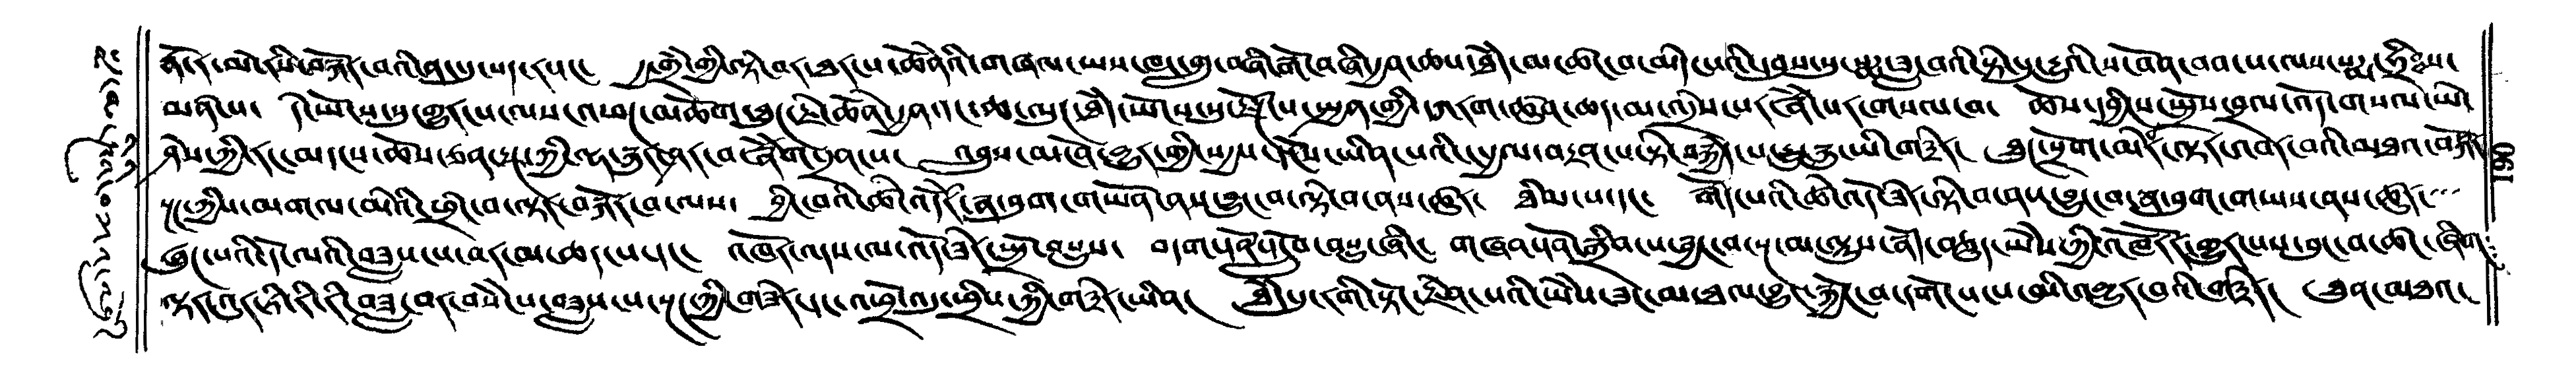རྡོ་ར་མེ་རིས་བསྐོར་བའི་ནང་དུ་པད་རྭ་དང་། རྒྱ་གྲམ་གྱི་ལྟེ་བར་ཐར་པ་ཆེན་པོའི་གཞལ་ཡས་ཁང་གྲུ་བཞི་སྒོ་བཞི་རྒྱན་ཆས་ཐམས་ཅད་མ་ཚང་བ་མེད་པའི་དབུས་སུ་པདྨ་ཟླ་བའི་སྟེང་དུ་རྒྱུའི་ས་བོན་བབས་པ་ལས་པདྨ་ཧྲིཿས་
མཚན་པ། དེ་ཡོངས་སུ་འགྱུར་པ་ལས་འཕགས་མཆོག་ཐུགས་རྗེ་ཆེན་པོ་རྒྱན་དང་ཆ་ལུགས་ཐམས་ཅད་ཡོངས་སུ་རྫོགས་པ། སྤྱན་གྱི་དཀར་ནག་ཚུན་ཆད་མ་འདྲེས་པར་རྣམ་པར་གསལ་བ། ཆོས་དབྱིངས་སྤྲོས་བྲལ་འོད་གསལ་ཡེ་
ཤེས་ཀྱི་རང་མདངས་ཆོས་ཅན་རྟགས་ཀྱི་ལྷ་སྐུར་ཤར་བ་རྣམ་དག་དྲན་པ། འབྲས་བུ་མངོན་གྱུར་གྱི་སངས་རྒྱས་དངོས་ཡིན་པའི་ང་རྒྱལ་བརྟན་པ་སྟེ་བསྐྱེད་པ་སྐུ་ཡི་གཟེར། ཐུགས་སྲོག་མར་མེ་ལྟར་འབར་བའི་མཐའ་བསྐོར་
སྔགས་ཀྱིས་མགལ་མེའི་ཕྲེང་བ་ལྟར་བསྐོར་བ་ལས། བྱིང་བའི་ཚེ་འོད་ཟེར་སྣ་བུག་གཡོན་ནས་བྱུང་བ་ལྟེ་བ་ནས་ཚུར་ཐིམ་པ་དང་།རྒོད་པའི་ཚེ་འོད་ཟེར་ལྟེ་བ་ནས་བྱུང་བ་སྣ་བུག་གཡས་ནས་ཚུར་
ཞུགས་པའི་དོ་ལིའི་བཟླས་པ་བར་མ་ཆད་པ་དང་། འཁོར་འདས་ལ་འོད་ཟེར་སྤྲོ་བསྡུས། བདག་དོན་དངོས་གྲུབ་བསྡུ་ཞིང་། གཞན་དོན་སྒྲིབ་པ་སྦྱོང་བ་སྔ་མ་ལྟ་བུས་སྣོད་བཅུད་ཡེ་ཤེས་ཀྱི་འཁོར་ལོར་གྱུར་པས་བུང་བ་ཚང་ཞིག་
ལྟར་འུར་ཏི་རི་རི་བཟླ་བར་བསམ་པ་བཟླས་པ་སྔགས་ཀྱི་གཟེར་དང་འཕྲོ་འདུ་ཕྲིན་ལས་ཀྱི་གཟེར་ཡིན། ཐམས་ཅད་དུ་རིག་སྟོང་རྗེན་པའི་ཡེ་ཤེས་ཟང་མ་ཐལ་བྱུང་སྐྱོང་བ་དགོངས་པ་མི་འགྱུར་བའི་གཟེར། ཐུན་མཐའ་